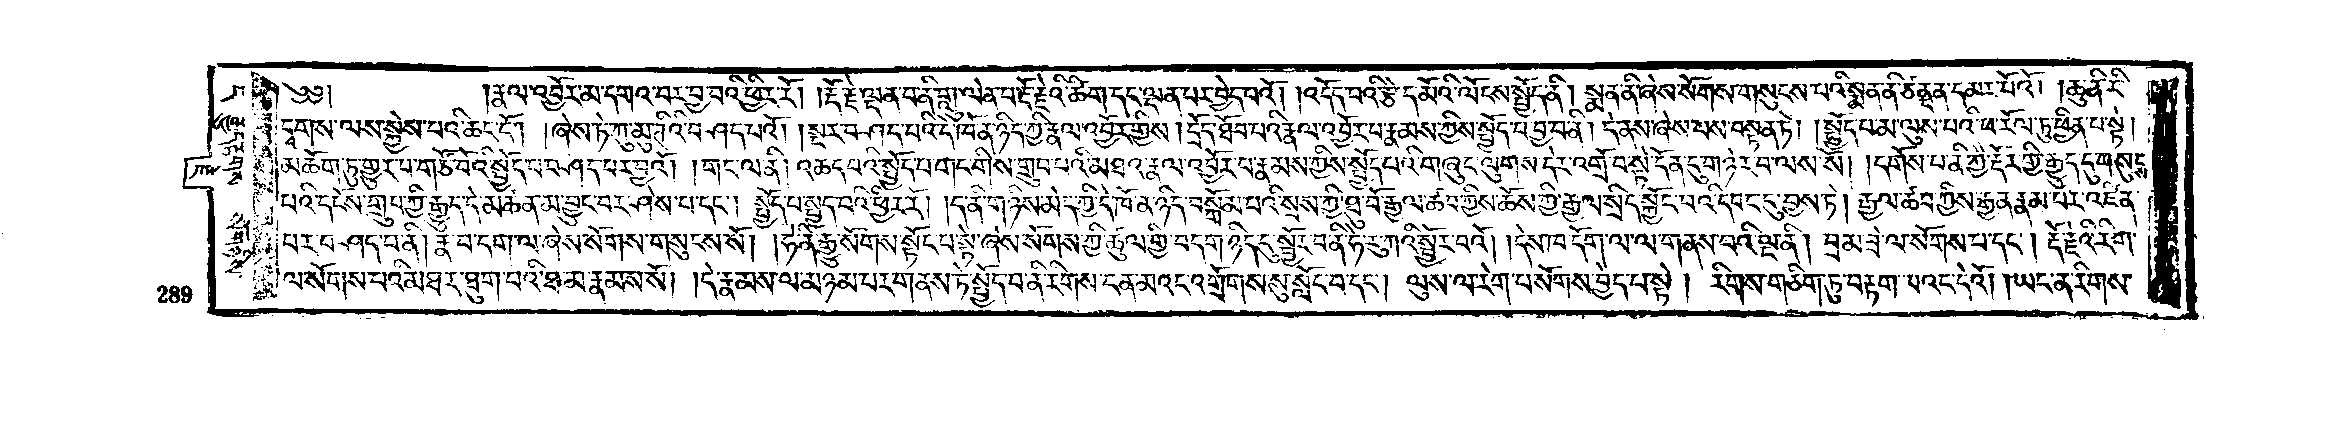༄༅། །རྣལ་འབྱོར་མ་དགའ་བར་བྱ་བའི་ཕྱིར་རོ། །རྡོ་རྗེ་ལྡན་པ་ནི་གླུ་ལེན་པ་རྡོ་རྗེའི་ཚིག་དང་ལྡན་པར་བྱེད་པའོ། །འདོད་པའི་རྩེད་མོའི་ལོངས་སྤྱོད་ནི། སྨན་ནི་ཞེས་སོགས་གསུངས་པའི་སྨན་ནི་ཙནྡན་དམར་པོའོ། །ཆུ་ནི་རི་
དྭགས་ལས་སྐྱེས་པའི་ཆང་ངོ། །ཞེས་ཏེ་ཀུ་མུ་ཊིའི་བཤད་པའོ། །སྔར་བཤད་པའི་དེ་ཁོ་ན་ཉིད་ཀྱི་རྣལ་འབྱོར་གྱིས། དྲོད་ཐོབ་པའི་རྣལ་འབྱོར་པ་རྣམས་ཀྱིས་སྤྱོད་པ་བྱ་བ་ནི། དེ་ནས་ཞེས་པས་བསྟན་ཏེ། །སྤྱོད་པ་མ་ལུས་པའི་ཕ་རོལ་ཏུ་ཕྱིན་པ་སྟེ།
མཆོག་ཏུ་གྱུར་པ་གཙོ་བོའི་སྤྱོད་པ་བཤད་པར་བྱའོ། །གང་ལ་ནི། འཆད་པའི་སྤྱོད་པ་གང་གིས་གྲུབ་པའི་མཐའ་རྣལ་འབྱོར་བ་རྣམས་ཀྱིས་སྤྱོད་པའི་གཞུང་ལུགས་དེར་འགྲོ་བ་སྟེ་དོན་དུ་གཉེར་བ་ལས་སོ། །དགོས་པ་ནི་ཀྱཻ་རྡོར་གྱི་རྒྱུད་དུ་གསུངས་
པའི་དངོས་གྲུབ་ཀྱི་རྒྱུད་དེ་མཚན་མ་བྱུང་བར་ཤེས་པ་དང་། སྤྱོད་པ་སྤྱད་པའི་ཕྱིར་རོ། །ད་ནི་གཉིས་མེད་ཀྱི་དེ་ཁོ་ན་ཉིད་བསྒོམ་པའི་སྲས་ཀྱི་ཐུ་བོ་རྒྱལ་ཚབ་ཀྱིས་ཆོས་ཀྱི་རྒྱལ་སྲིད་སྐྱོང་བའི་དབང་དུ་བྱས་ཏེ། རྒྱལ་ཚབ་ཀྱིས་རྒྱན་རྣམ་པར་འཛིན་
པར་བཤད་པ་ནི། རྣ་བ་དག་ལ་ཞེས་སོགས་གསུངས་སོ། །ཧེ་ནི་རྒྱུ་སོགས་སྟོང་པ་སྟེ་ཞེས་སོགས་ཀྱི་ཚུལ་གྱི་བདག་ཉིད་དུ་སྦྱོར་བ་ནི་ཧེ་རུ་ཀའི་སྦྱོར་བའོ། །དེས་ཁ་དོག་ལ་ལ་གནས་པའི་ལྔ་ནི། བྲམ་ཟེ་ལ་སོགས་པ་དང་། རྡོ་རྗེའི་རིག་
ལ་སོགས་པའི་མཐར་ཐུག་པའི་ཐ་མ་རྣམས་སོ། །དེ་རྣམས་ལ་མཉམ་པར་གནས་ཏེ་སྤྱོད་པ་ནི་རིགས་ངན་མའང་འགྲོགས་སུ་སློང་བ་དང་། ལུས་ལ་རེག་པ་སོགས་བྱེད་པ་སྟེ། རིགས་གཅིག་ཏུ་བརྟག་པའང་དེའོ། །ཡང་ན་རིགས་